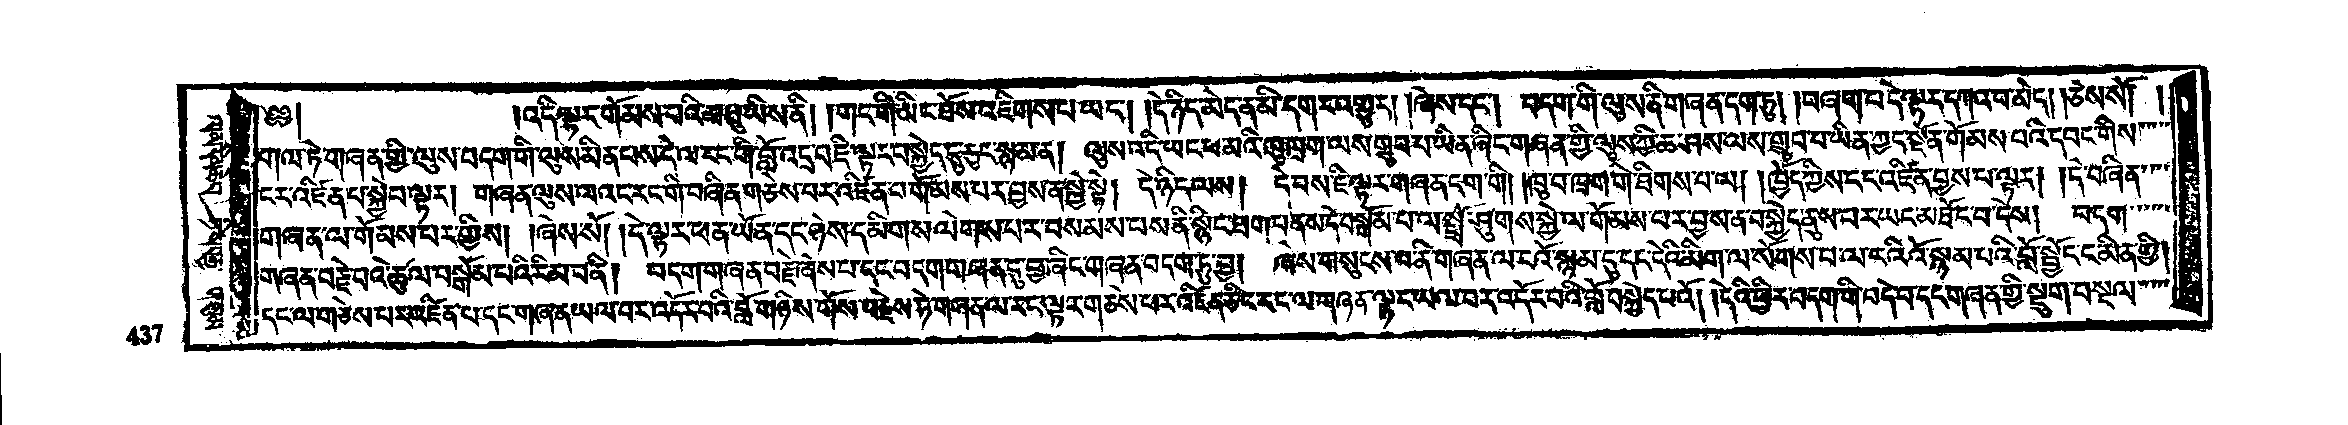༄༅། །འདི་ལྟར་གོམས་པའི་མཐུ་ཡིས་ནི། །གང་གི་མིང་ཐོས་འཇིགས་པ་ཡང་། །དེ་ཉིད་མེད་ན་མི་དགར་འགྱུར། །ཞེས་དང་། བདག་གི་ལུས་ནི་གཞན་དག་ཏུ། །བཞག་པ་དེ་ལྟར་དཀའ་བ་མེད། །ཅེས་སོ། །
གལ་ཏེ་གཞན་གྱི་ལུས་བདག་གི་ལུས་མིན་པས་དེ་ལ་རང་གི་བློ་འདྲ་བ་ཇི་ལྟར་བསྐྱེད་དུ་རུང་སྙམ་ན། ལུས་འདི་ཡང་ཕ་མའི་ཁུ་ཁྲག་ལས་གྲུབ་པ་ཡིན་ཞིང་གཞན་གྱི་ལུས་ཀྱི་ཆ་ཤས་ལས་གྲུབ་པ་ཡིན་ཀྱང་སྔོན་གོམས་པའི་དབང་གིས་
ངར་འཛིན་པ་སྐྱེ་བ་ལྟར། གཞན་ལུས་ལའང་རང་གི་བཞིན་གཅེས་པར་འཛིན་པ་གོམས་པར་བྱས་ན་སྐྱེ་སྟེ། དེ་ཉིད་ལས། དེ་བས་ཇི་ལྟར་གཞན་དག་གི། །ཁུ་བ་ཁྲག་གི་ཐིགས་པ་ལ། །ཁྱོད་ཀྱིས་ངར་འཛིན་བྱས་པ་ལྟར། །དེ་བཞིན་
གཞན་ལ་གོམས་པར་གྱིས། །ཞེས་སོ། །དེ་ལྟར་ཕན་ཡོན་དང་ཉེས་དམིགས་ལེགས་པར་བསམས་པས་ནི་སྙིང་ཐག་པ་ནས་དེ་བསྒོམ་པ་ལ་སྤྲོ་ཤུགས་སྐྱེ་ལ་གོམས་པར་བྱས་ན་བསྐྱེད་ནུས་པར་ཡང་མཐོང་བ་དེས། བདག་
གཞན་བརྗེ་བའི་ཚུལ་བསྒོམ་པའི་རིམ་པ་ནི། བདག་གཞན་བརྗེ་ཞེས་པ་དང་བདག་གཞན་དུ་བྱ་ཞིང་གཞན་བདག་ཏུ་བྱ། ཞེས་གསུངས་པ་ནི་གཞན་ལ་ངའོ་སྙམ་དུ་དང་དེའི་མིག་ལ་སོགས་པ་ལ་ངའིའོ་སྙམ་པའི་བློ་སྦྱོང་བ་མིན་གྱི།
རང་ལ་གཅེས་པར་འཛིན་པ་དང་གཞན་ཡལ་བར་འདོར་བའི་བློ་གཉིས་གོས་བརྗེས་ཏེ་གཞན་ལ་རང་ལྟར་གཅེས་པར་འཛིན་ཅིང་རང་ལ་གཞན་ལྟར་ཡལ་བར་འདོར་བའི་བློ་བསྐྱེད་པའོ། །དེའི་ཕྱིར་བདག་གི་བདེ་བ་དང་གཞན་གྱི་སྡུག་བསྔལ་